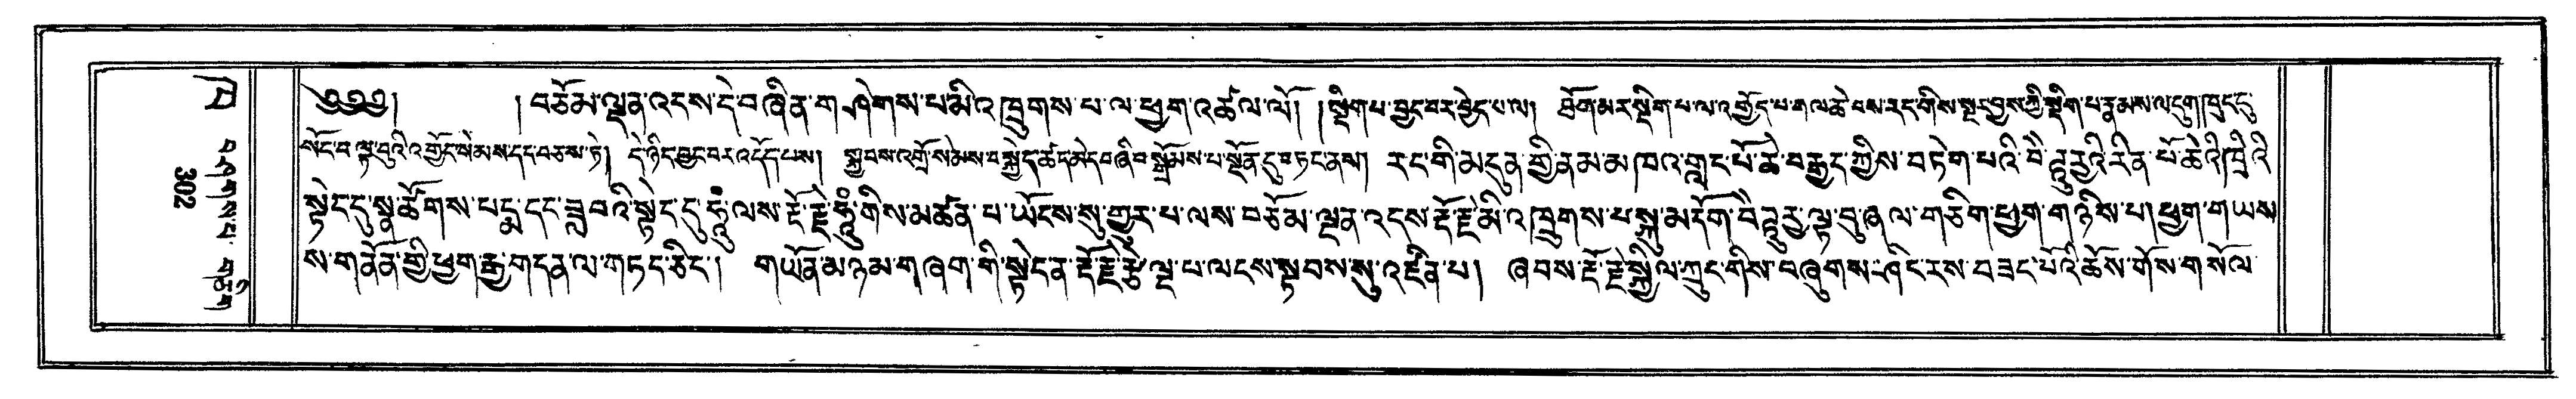༄༅༅། །བཅོམ་ལྡན་འདས་དེ་བཞིན་གཤེགས་པ་མི་འཁྲུགས་པ་ལ་ཕྱག་འཚལ་ལོ། །སྡིག་པ་བྱང་བར་བྱེད་པ་ལ། ཐོག་མར་སྡིག་པ་ལ་འགྱོད་པ་གལ་ཆེ་བས་རང་གིས་སྔར་བྱས་ཀྱི་སྡིག་པ་རྣམས་ལ་དུག་ཁོང་དུ་
སོང་བ་ལྟ་བུའི་འགྱོད་སེམས་དང་བཅས་ཏེ། དེ་ཉིད་བྱང་བར་འདོད་པས། སྐྱབས་འགྲོ་སེམས་བསྐྱེད་ཚད་མེད་བཞི་བསྒོམས་པ་སྔོན་དུ་བཏང་ནས། རང་གི་མདུན་གྱི་ནམ་མཁར་གླང་པོ་ཆེ་བརྒྱད་ཀྱིས་བཏེག་པའི་བཻ་ཌཱུ་རྱའི་རིན་པོ་ཆེའི་ཁྲིའི་
སྟེང་དུ་སྣ་ཚོགས་པདམ་དང་ཟླ་བའི་སྟེང་དུ་ཧཱུཾ་ལས་རྡོ་རྗེ་ཧཱུཾ་གིས་མཚན་པ་ཡོངས་སུ་གྱུར་པ་ལས་བཅོམ་ལྡན་འདས་རྡོ་རྗེ་མི་འཁྲུགས་པ་སྐུ་མདོག་བཻ་ཌཱུརྱ་ལྟ་བུ་ཞལ་གཅིག་ཕྱག་གཉིས་པ། ཕྱག་གཡས་
ས་གནོན་གྱི་ཕྱག་རྒྱ་གདན་ལ་གཏད་ཅིང་། གཡོན་མཉམ་གཞག་གི་སྟེང་ན་རྡོ་རྗེ་རྩེ་ལྔ་པ་ལངས་སྟབས་སུ་འཛིན་པ། ཞབས་རྡོ་རྗེ་སྐྱིལ་ཀྲུང་གིས་བཞུགས་ཤིང་རས་བཟང་པོའི་ཆོས་གོས་གསོལ་